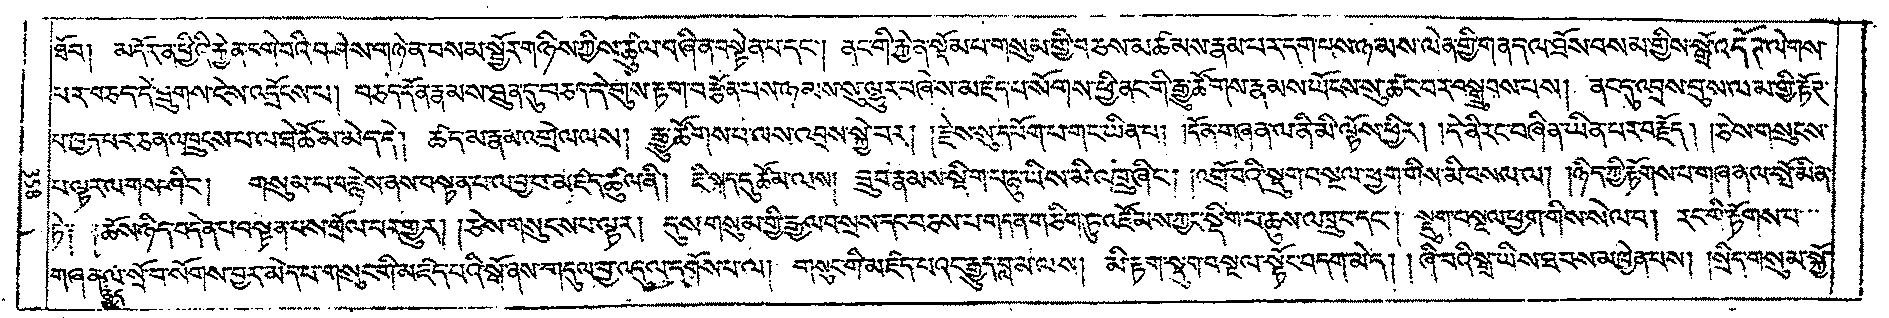ཐོབ། མདོར་ན་ཕྱིའི་རྐྱེན་དགེ་བའི་བཤེས་གཉེན་བསམ་སྦྱོར་གཉིས་ཀྱིས་ཚུལ་བཞིན་བསྟེན་པ་དང་། ནང་གི་རྐྱེན་སྡོམ་པ་གསུམ་གྱི་བཅས་མཚམས་རྣམ་པར་དག་པས་ཉམས་ལེན་གྱི་གནད་ལ་ཐོས་བསམ་གྱིས་སྒྲོ་འདོགས་ལེགས་
པར་བཅད་དེ་ཐུགས་ངེས་འདྲོངས་པ། བཅད་དོན་རྣམས་ཐུན་དུ་བཅད་དེ་གུས་རྟག་བརྩོན་པས་ཉམས་སུ་ལྷུར་བཞེས་མཛད་པ་སོགས་ཕྱི་ནང་གི་རྒྱུ་ཚོགས་རྣམས་ཡོངས་སུ་ཚང་བར་བསྒྲུབས་པས། ནང་དུ་འབྲས་བུ་ས་ལམ་གྱི་རྟོགས་
པ་ཁྱད་པར་ཅན་འཁྲུངས་པ་ལ་ཐེ་ཚོམ་མེད་དེ། ཚད་མ་རྣམ་འགྲེལ་ལས། རྒྱུ་ཚོགས་པ་ལས་འབྲས་སྐྱེ་བར། །རྗེས་སུ་དཔོག་པ་གང་ཡིན་པ། །དོན་གཞན་ལ་ནི་མི་ལྟོས་ཕྱིར། །དེ་ནི་རང་བཞིན་ཡིན་པར་བརྗོད། །ཅེས་གསུངས་
པ་ལྟར་ལགས་ཤིང་། གསུམ་པ་བརྙེས་ནས་བསྟན་པ་ལ་བྱ་བ་མཛད་ཚུལ་ནི། ཇི་སྐད་དུ་ཚོམ་ལས། ཐུབ་རྣམས་སྡིག་པ་ཆུ་ཡིས་མི་འཁྲུ་ཞིང་། །འགྲོ་བའི་སྡུག་བསྔལ་ཕྱག་གིས་མི་བསལ་ལ། །ཉིད་ཀྱི་རྟོགས་པ་གཞན་ལ་སྤོ་མིན་
ཏེ༑ ༑ཆོས་ཉིད་བདེན་པ་བསྟན་པས་གྲོལ་བར་གྱུར། །ཅེས་གསུངས་པ་ལྟར། དུས་གསུམ་གྱི་རྒྱལ་བ་སྲས་དང་བཅས་པ་གདན་གཅིག་ཏུ་འཛོམས་ཀྱང་སྡིག་པ་ཆུས་འཁྲུ་བ་དང་། སྡུག་བསྔལ་ཕྱག་གིས་སེལ་བ། རང་གི་རྟོགས་པ་
གཞན་རྒྱུད་ལ་སྤོ་བ་སོགས་བྱར་མེད་པ་གསུང་གི་མཛད་པའི་སྒོ་ནས་གདུལ་བྱ་འདུལ་དགོས་པ་ལ། གསུང་གི་མཛད་པའང་རྒྱུད་བླ་མ་ལས། མི་རྟག་སྡུག་བསྔལ་སྟོང་བདག་མེད། །ཞི་བའི་སྒྲ་ཡིས་ཐབས་མཁྱེན་པས། །སྲིད་གསུམ་སྐྱོ་